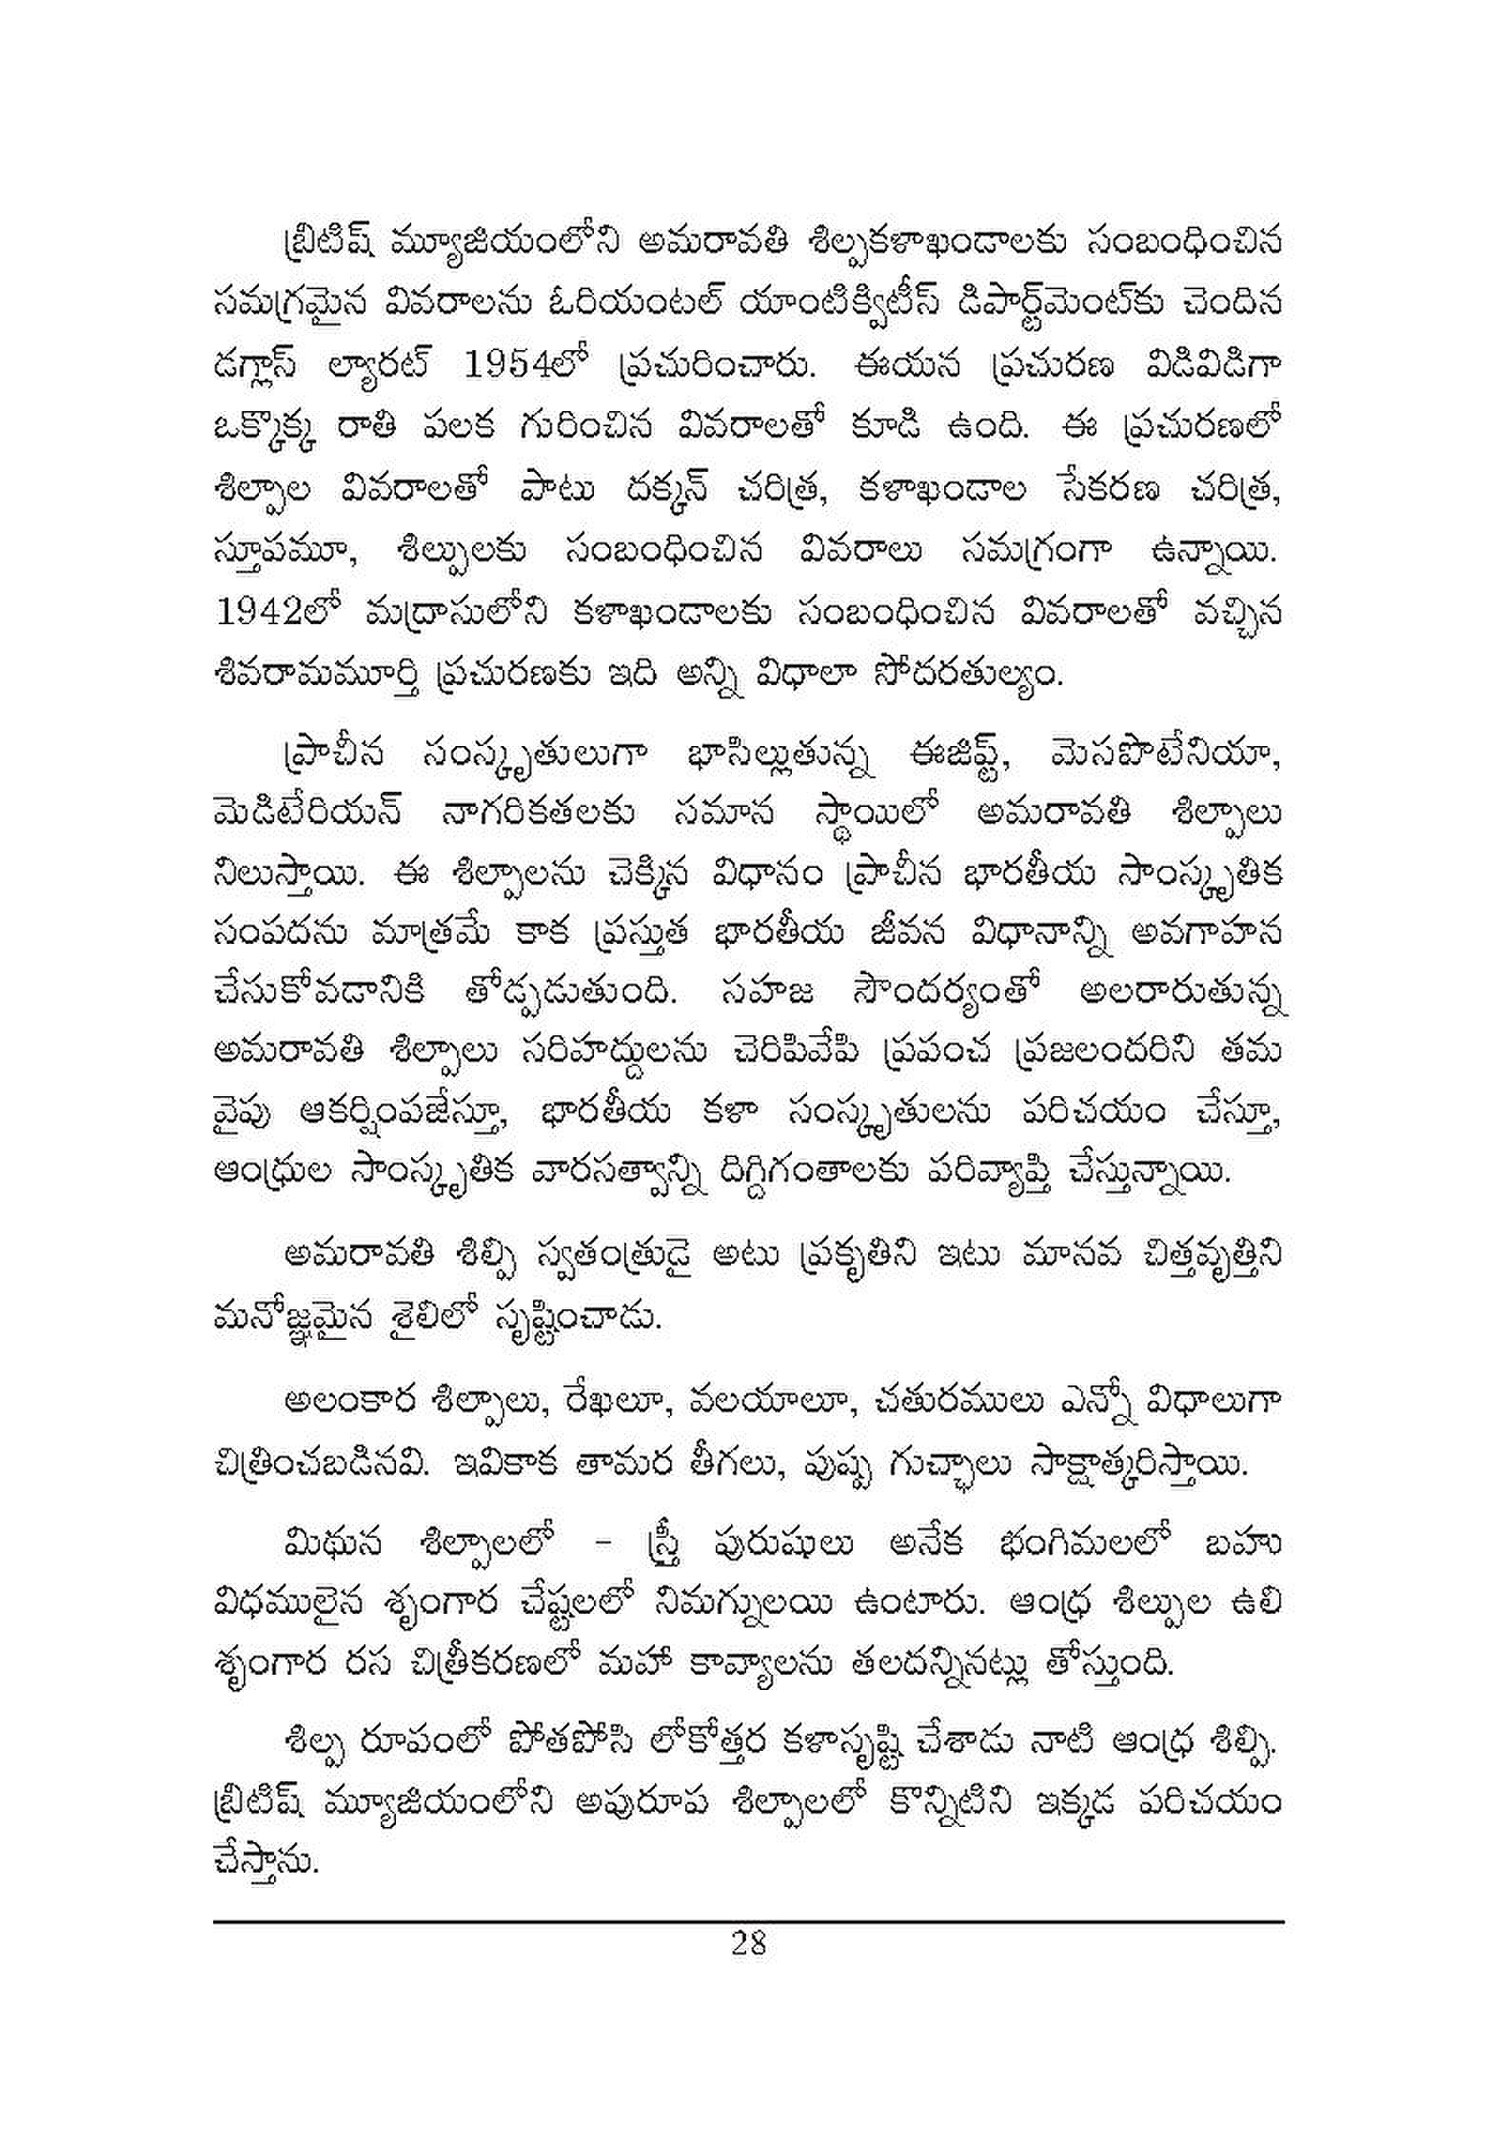బ్రిటిష్ మ్యూజియంలోని అమరావతి శిల్పకళాఖండాలకు సంబంధించిన సమగ్రమైన వివరాలను ఓరియంటల్ యాంటిక్విటీస్ డిపార్ట్మెంట్కు చెందిన డగ్లాస్ ల్యారట్ 1954లో ప్రచురించారు. ఈయన ప్రచురణ విడివిడిగా ఒక్కొక్క రాతి పలక గురించిన వివరాలతో కూడి ఉంది. ఈ ప్రచురణలో శిల్పాల వివరాలతో పాటు దక్కన్ చరిత్ర, కళాఖండాల సేకరణ చరిత్ర, స్తూపమూ, శిల్పులకు సంబంధించిన వివరాలు సమగ్రంగా ఉన్నాయి. 1942లో మద్రాసులోని కళాఖండాలకు సంబంధించిన వివరాలతో వచ్చిన శివరామమూర్తి ప్రచురణకు ఇది అన్ని విధాలా సోదరతుల్యం.

ప్రాచీన సంస్కృతులుగా భాసిల్లుతున్న ఈజిప్ట్, మెసపొటేనియా, మెడిటేరియన్ నాగరికతలకు సమాన స్థాయిలో అమరావతి శిల్పాలు నిలుస్తాయి. ఈ శిల్పాలను చెక్కిన విధానం ప్రాచీన భారతీయ సాంస్కృతిక సంపదను మాత్రమే కాక ప్రస్తుత భారతీయ జీవన విధానాన్ని అవగాహన చేసుకోవడానికి తోడ్పడుతుంది. సహజ సౌందర్యంతో అలరారుతున్న అమరావతి శిల్పాలు సరిహద్దులను చెరిపివేపి ప్రపంచ ప్రజలందరిని తమ వైపు ఆకర్షింపజేస్తూ, భారతీయ కళా సంస్కృతులను పరిచయం చేసూ, ఆంధ్రుల సాంస్కృతిక వారసత్వాన్ని దిద్దిగంతాలకు పరివ్యాప్తి చేస్తున్నాయి.

అమరావతి శిల్పి స్వతంత్రుడై అటు ప్రకృతిని ఇటు మానవ చిత్తవృత్తిని మనోజ్ఞమైన శైలిలో సృష్టించాడు.

అలంకార శిల్పాలు, రేఖలూ, వలయాలూ, చతురములు ఎన్నో విధాలుగా చిత్రించబడినవి. ఇవికాక తామర తీగలు, పుష్ప గుచ్చాలు సాక్షాత్కరిస్తాయి.

మిథున శిల్పాలలో - స్త్రీ పురుషులు అనేక భంగిమలలో బహు విధములైన శృంగార చేష్టలలో నిమగ్నులయి ఉంటారు. ఆంధ్ర శిల్పుల ఉలి శృంగార రస చిత్రీకరణలో మహా కావ్యాలను తలదన్నినట్లు తోస్తుంది.

శిల్ప రూపంలో పోతపోసి లోకోత్తర కళాసృష్టి చేశాడు నాటి ఆంధ్ర శిల్చి బ్రిటిష్ మ్యూజియంలోని అపురూప శిల్పాలలో కొన్నిటిని ఇక్కడ పరిచయం చేస్తాను.